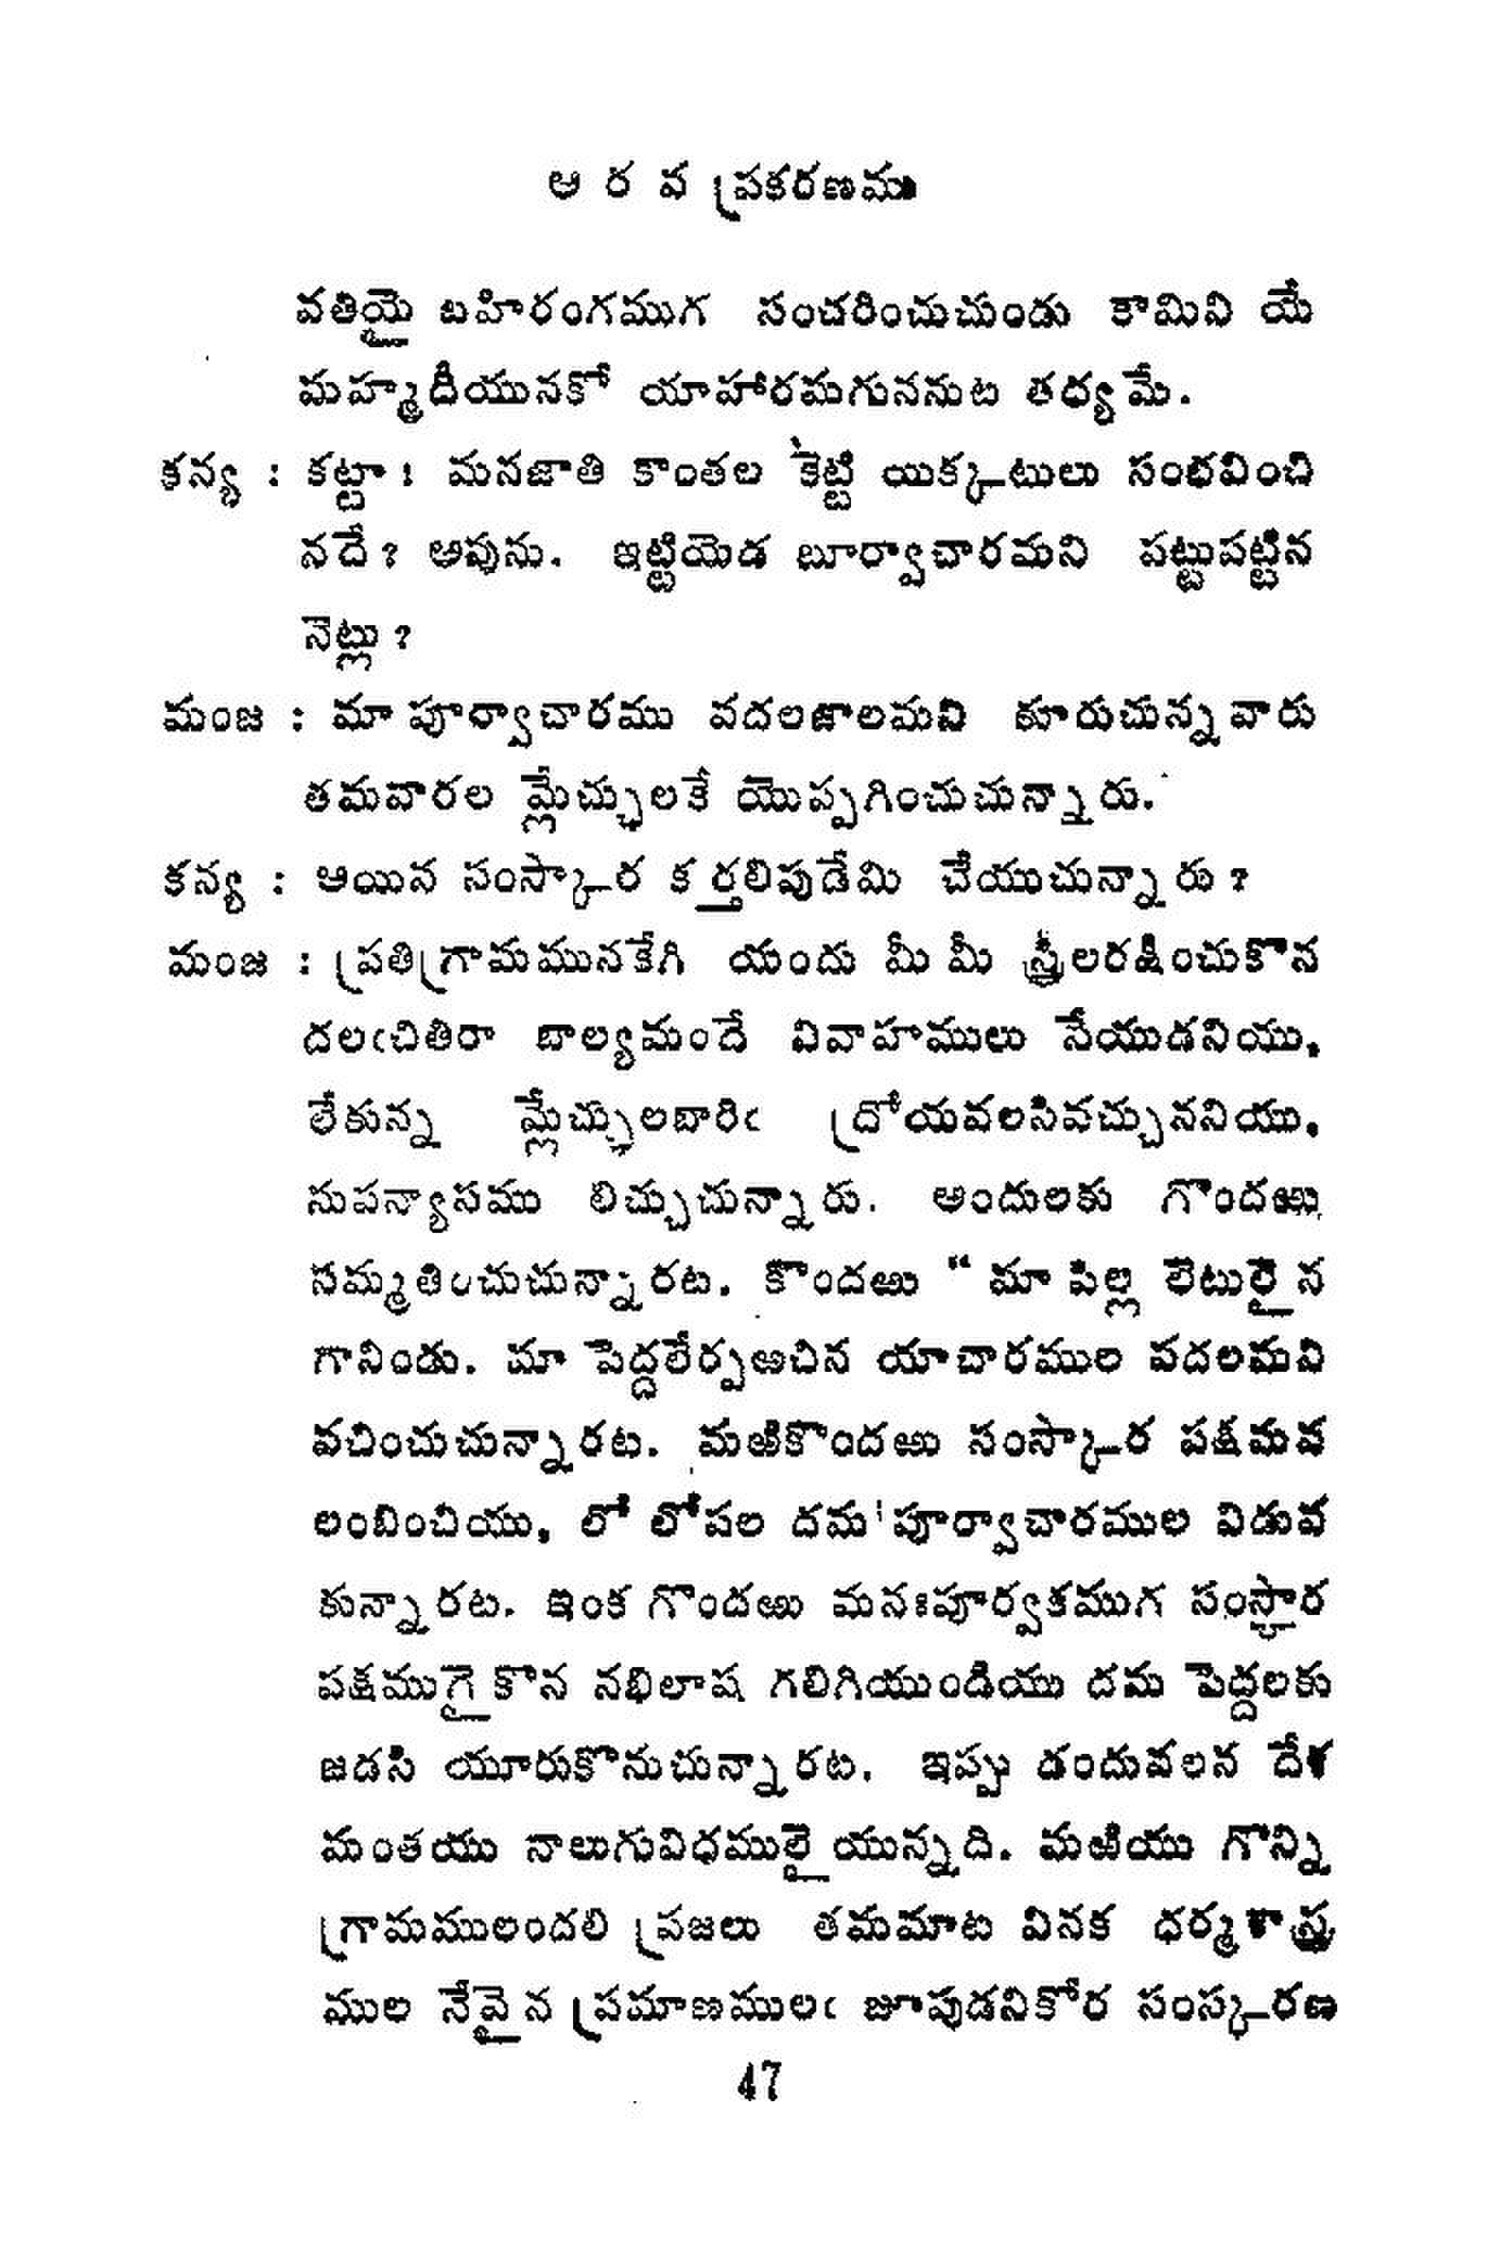వతియై బహిరంగముగ సంచరించుచుండు కామిని యే మహ్మదీయునకో యాహారమగుననుట తధ్యమే. 

కన్య : కట్టా ! మనజాతి కాంతల కెట్టి యిక్కటులు సంభవించినదే? అవును. ఇట్టియెడ బూర్వాచారమని పట్టుపట్టిన నెట్లు? 

మంజ : మా పూర్వాచారము వదలజాలమని కూరుచున్న వారు
తమవారల మ్లేచ్ఛులకే యొప్పగించుచున్నారు. 

కన్య : అయిన సంస్కార కర్తలిపుడేమి చేయుచున్నారు ? 

మంజ : ప్రతిగ్రామమునకేగి యందు మీ మీ స్త్రీలరక్షించుకొనదలఁచితిరా బాల్యమందే వివాహములు సేయుడనియు, లేకున్న మ్లేచ్ఛులబారిఁ ద్రోయవలసివచ్చుననియు, నుపన్యాసము లిచ్చుచున్నారు. అందులకు గొందఱు, సమ్మతించుచున్నారట. కొందఱు "మా పిల్ల లెటులైన గానిండు. మా పెద్దలేర్పఱచిన యాచారముల వదలమని వచించుచున్నారట. మఱికొందఱు సంస్కార పక్షమవలంబించియు, లో లోపల దమ పూర్వాచారముల విడువకున్నారట. ఇంక గొందఱు మనఃపూర్వకముగ సంస్కారపక్షముగైకొన నభిలాష గలిగియుండియు దమ పెద్దలకు జడసి యూరుకొనుచున్నారట. ఇప్పు డందువలన దేశమంతయు నాలుగువిధములై యున్నది. మఱియు గొన్నిగ్రామములందలి ప్రజలు తమమాట వినక ధర్మశాస్త్రముల నేవైన ప్రమాణములఁ జూపుడనికోర సంస్కరణ